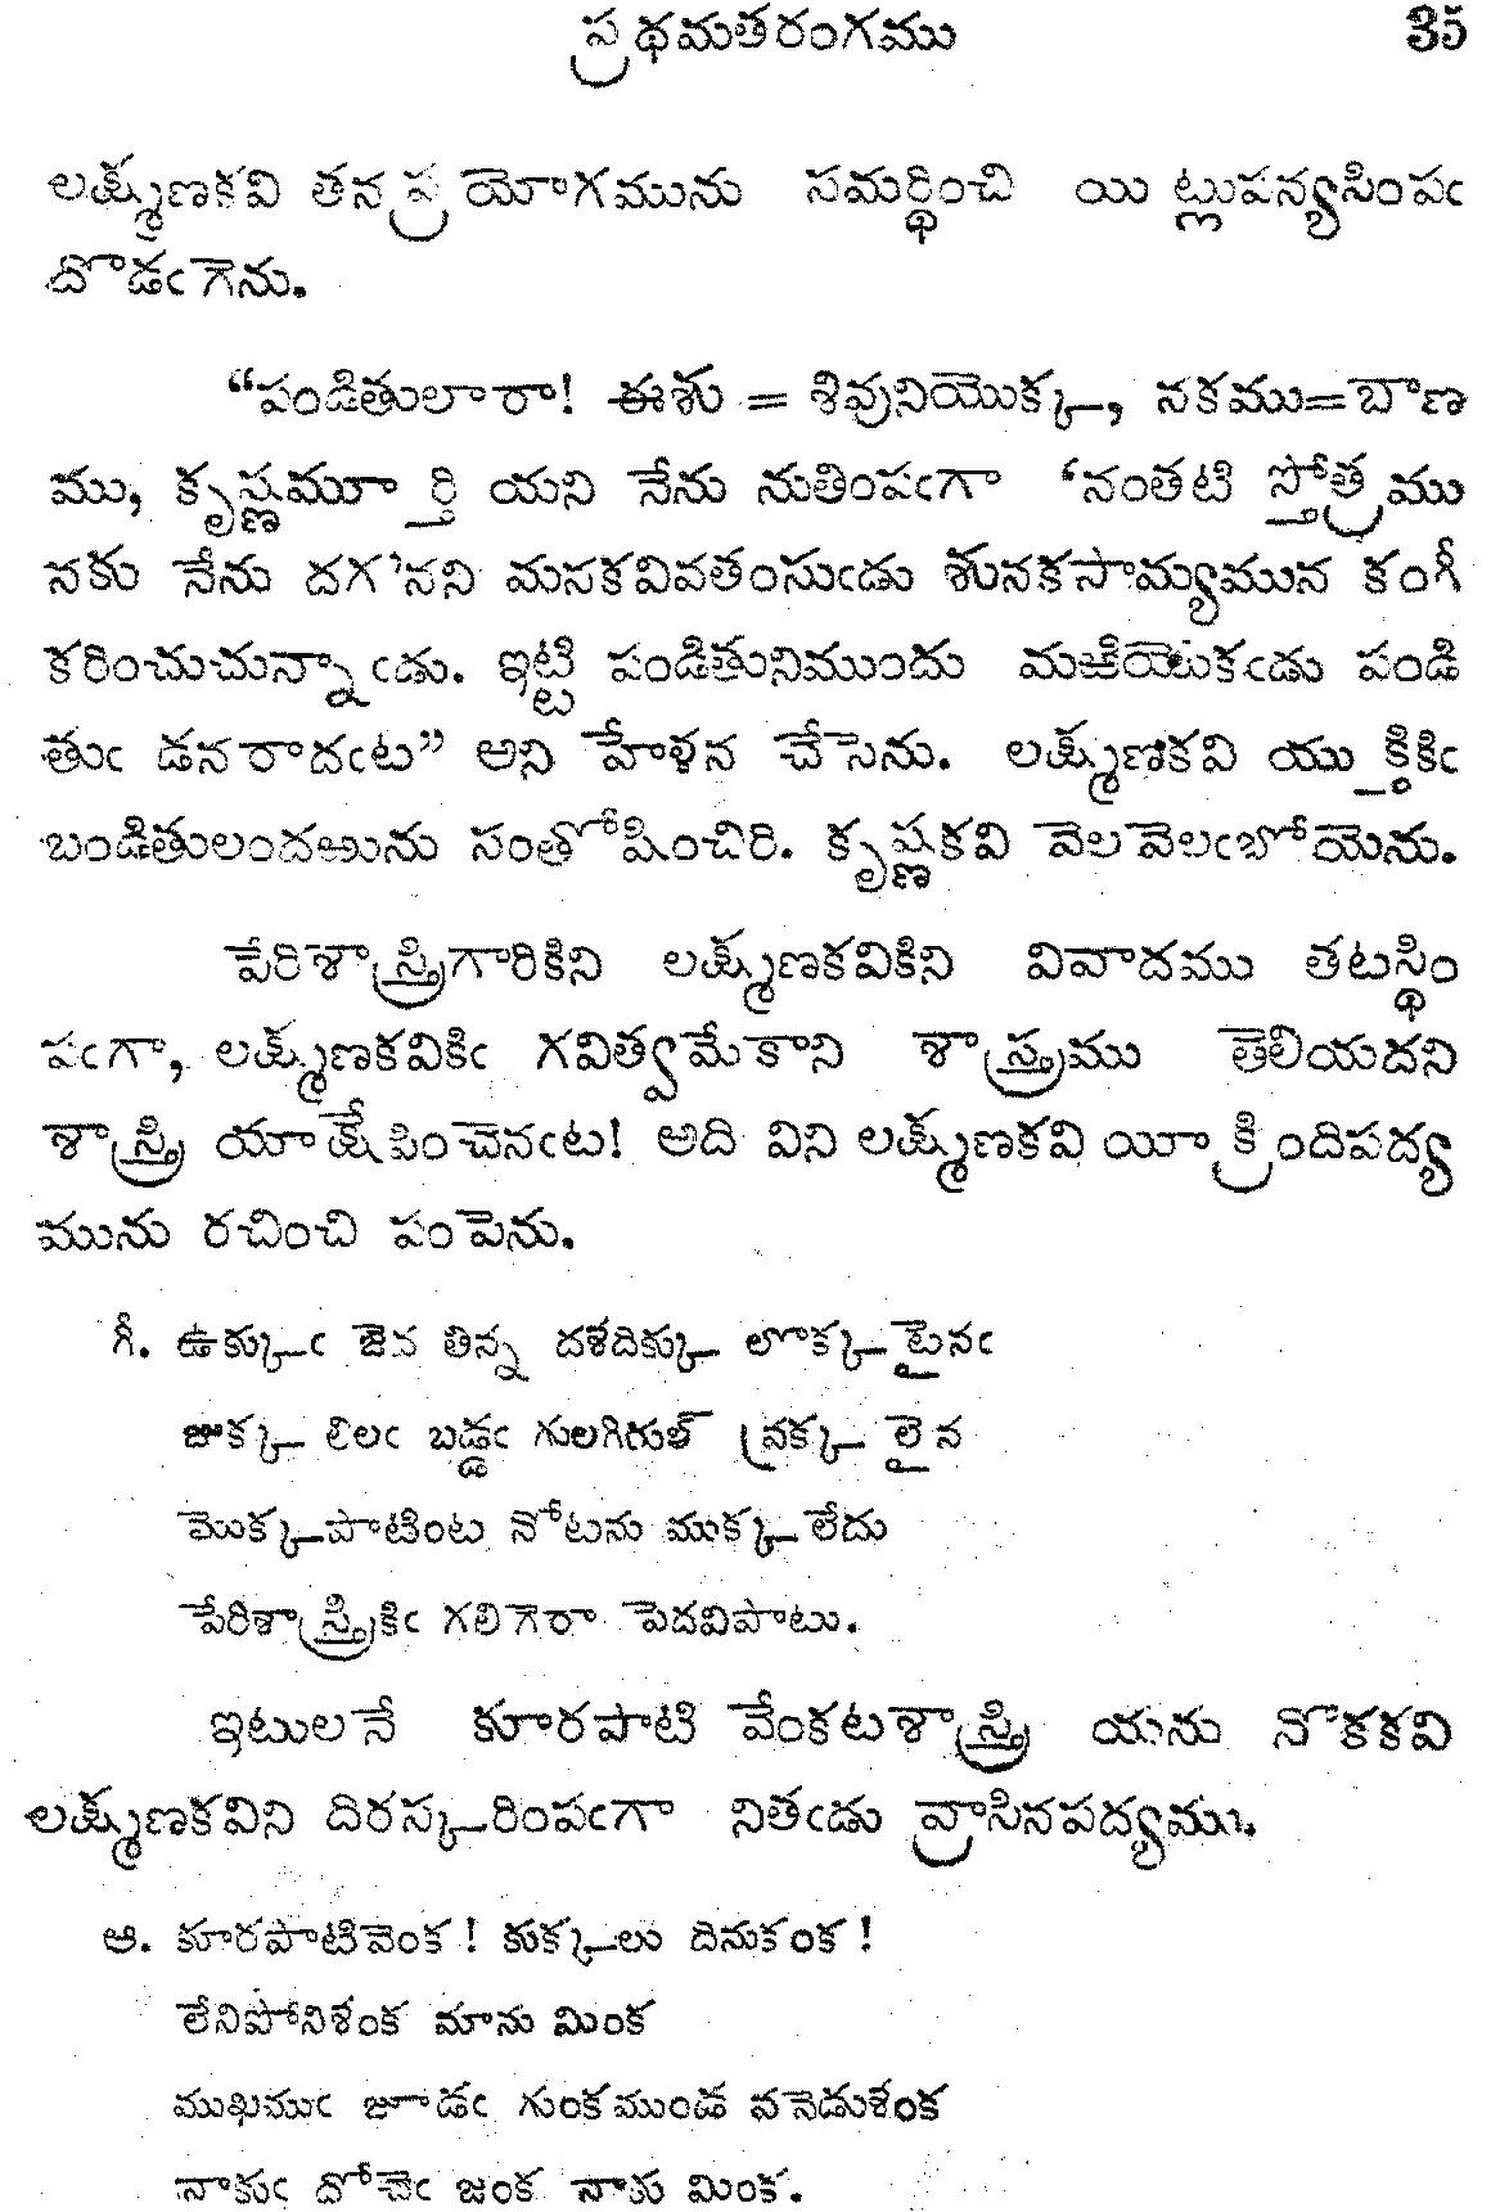లక్ష్మణకవి తనప్రయోగమును సమర్థించి యు ట్లుపన్యసింపఁదొడఁగెను.

“పండితులారా! ఈశు=శివుని, నకము=బాణము, కృష్ణమూర్తి యని నేను నుతింపఁగా ‘నంతటిస్తోత్రమునకు నేను దగ’ నని మనకవివతంసుఁడు శునకసామ్యమున కంగీకరించుచున్నాఁడు. ఇట్టిపండితునిముందు మఱియొకఁడు పండితుఁ డనరాదఁట” అని హేళన చేసెను. లక్ష్మణకవి యుక్తికిఁ బండితులందఱును సంతోషించిరి. కృష్ణకవి వెలవెలఁబోయెను.

పేరిశాస్త్రిగారికిని లక్ష్మణకవికిని వివాదము తటస్థింపఁగా, లక్ష్మణకవికిఁ గవిత్వమేగాని శాస్త్రము తెలియదని శాస్త్రి యాక్షేపించెనఁట! అది విని లక్ష్మణకవి యీక్రిందిపద్యమును రచించి పంపెను.

గీ. ఉక్కుఁ జెద తిన్న దశదిక్కు లొక్కటైనఁ
 జుక్క లిలఁ బడ్డఁ గులగిరుల్ వ్రక్క లైన
 మొక్కపాటింట నోటను ముక్కలేదు
 పేరిశాస్త్రికిఁ గలిగెరా పెదవిపాటు.

ఇటులనే కూరపాటి వేంకటశాస్త్రి యను నొకకవి లక్ష్మణకవిని దిరస్కరింపఁగా నితఁడు వ్రాసినపద్యము.

ఆ. కూరపాటివెంక కుక్కలు దినుకంక
 లేనిపోనిశంక మాను మింక
 ముఖముఁ జూడఁ గుంకముండ వనెడుశంక